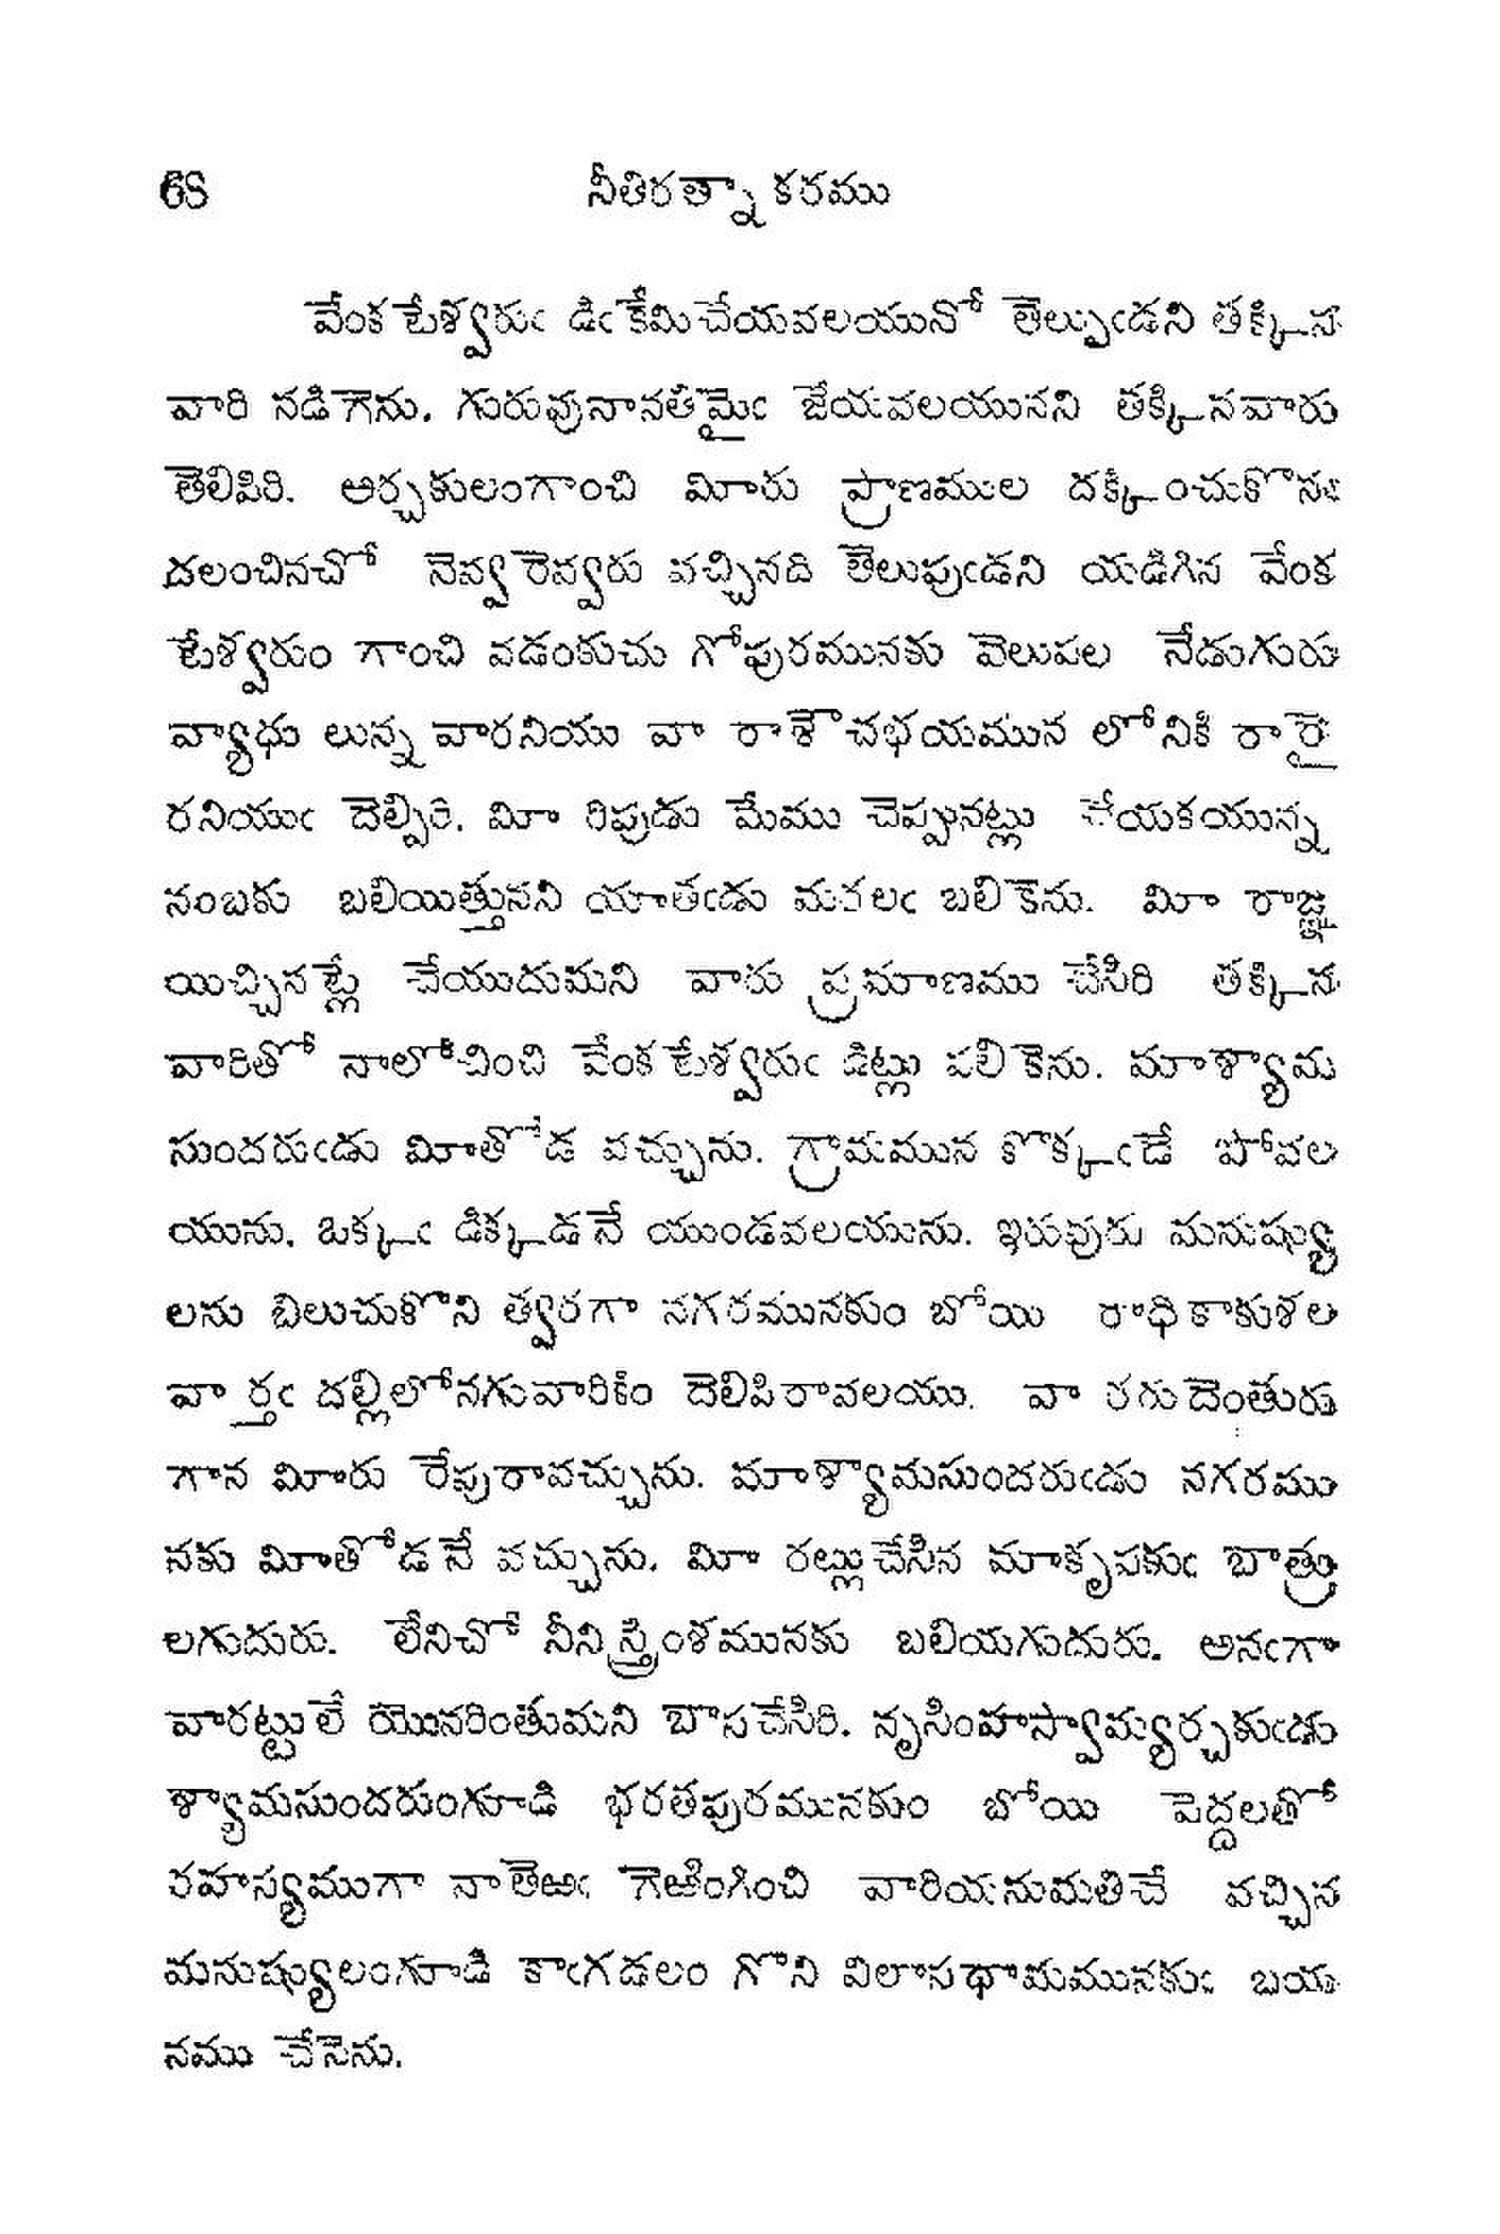వేంకటేశ్వరుఁ డిఁ'కేమి చేయవలయునో తెల్పుఁడని తక్కిన వారి నడిగెను. గురువు నానతి మైఁ జేయవలయునని తక్కినవారు తెలిపిరి. అర్చకులంగాంచి మీరు ప్రాణముల దక్కించుకొన దలంచినచో నెన్వ రెవ్వరు వచ్చినది. తెలుపుఁడని యడిగిన వేంకటేశ్వరుం గాంచి వడంకుచు గోపురమునకు వెలుపల నేడుగురు వ్యాధు లున్న వారనియు వా రాశౌచభయమున లోనికి రారై రనియుఁ దెల్పిరి. మీ రిపుడు మేము చెప్పునట్లు చేయకయున్న నంబకు బలియిత్తునని యాతఁడు మరలఁ బలికెను. మీ రాజ్ఞ యిచ్చినట్లే చేయుదుమని వారు ప్రమాణము చేసిరి తక్కిన వారితో నాలోచించి వేంకటేశ్వరుఁ డిట్లు పలికెను. మాశ్యామ సుందరుఁడు మీతోడ వచ్చును. గ్రామమున కొక్కఁడే పోవలయును, ఒక్కఁ డిక్కడనే యుండవలయును. ఇరువురు మనుష్యు లను బిలుచుకొని త్వరగా నగరమునకుం బోయి రాధి కాకుశల వార్తఁ దల్లిలోనగువారికిం దెలిపి రావలయు. వా రరుదెంతురు గాన మీరు రేపు రావచ్చును. మాశ్యామసుందరుఁడు నగరము నకు మీతోడనే వచ్చును. మీ రట్లు చేసిన మాకృపకుఁ బాత్రు లగుదురు. లేనిచో నీనిస్త్రింశమునకు బలియగుదురు. అనఁగా వారట్టులే యొనరింతుమని బాసచేసిరి. నృసింహస్వామ్యర్చకుఁడు శ్యామసుందరుంగూడి భరతపురమునకుం బోయి పెద్దలతో రహస్యముగా నా తెఱఁ గెఱింగించి వారియనుమతిచే వచ్చిన మనుష్యులంగూడి కాఁగడలం గొని విలాస థామమునకు బయనము చేసెను.